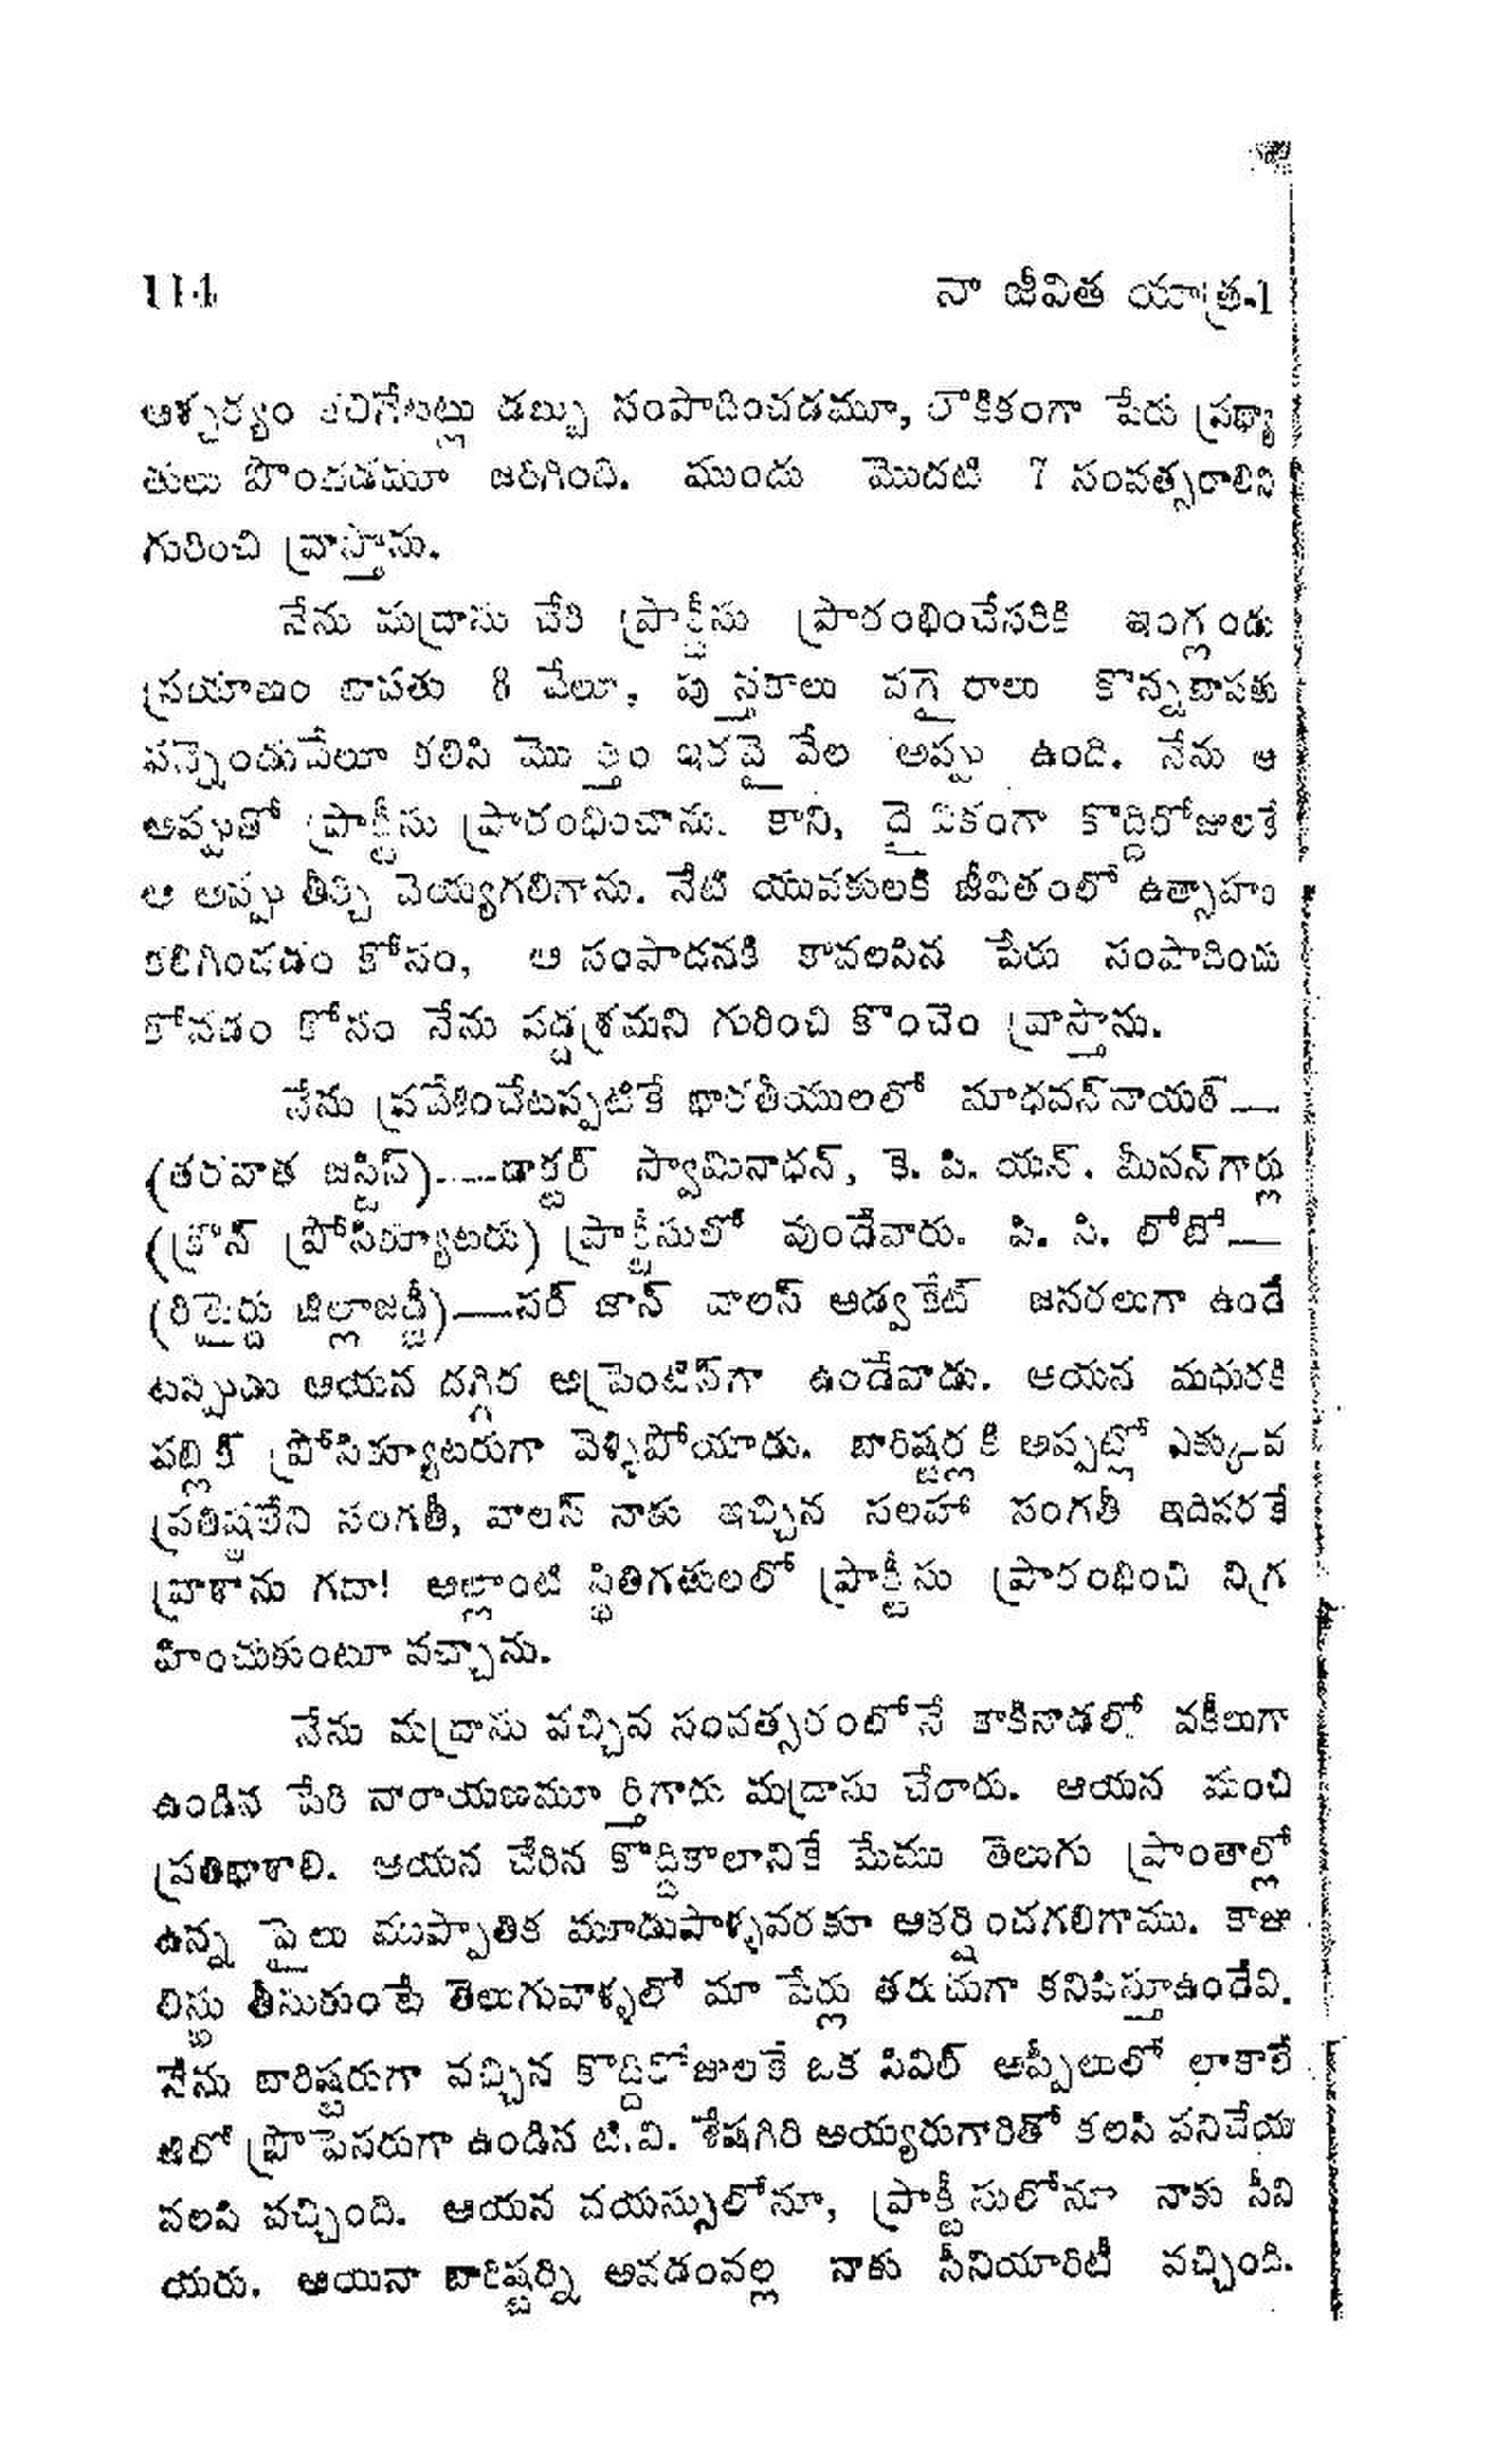ఆశ్చర్యం కలిగేటట్లు డబ్బు సంపాదించడమూ, లౌకికంగా పేరు ప్రఖ్యాతులు పొందడమూ జరిగింది. ముందు మొదటి 7 సంవత్సరాలిని గురించి వ్రాస్తాను.

నేను మద్రాసు చేరి ప్రాక్టీసు ప్రారంభించేసరికి ఇంగ్లండు ప్రయాణం బాపతు 8 వేలూ, పుస్తకాలు వగైరాలు కొన్నబాపతు పన్నెండువేలూ కలిసి మొత్తం ఇరవై వేల అప్పు ఉంది. నేను ఆ అప్పుతో ప్రాక్టీసు ప్రారంభించాను. కాని, దైవికంగా కొద్దిరోజులకే ఆ అప్పు తీర్చి వెయ్యగలిగాను. నేటి యువకులకి జీవితంలో ఉత్సాహం కలిగించడం కోసం, ఆ సంపాదనకి కావలసిన పేరు సంపాదించుకోవడం కోసం నేను పడ్డశ్రమని గురించి కొంచెం వ్రాస్తాను.

నేను ప్రవేశించేటప్పటికే భారతీయులలో మాధవన్‌నాయర్ - (తరవాత జస్టిస్) - డాక్టర్ స్వామినాధన్, కె. పి. యన్. మీనన్‌గార్లు (క్రౌన్ ప్రోసిక్యూటరు) ప్రాక్టీసులో వుండేవారు. పి. సి. లోబో - (రిటైర్డు జిల్లాజడ్జీ) - సర్ జాన్ వాలస్ అడ్వకేట్ జనరలుగా ఉండేటప్పుడు ఆయన దగ్గిర అప్రెంటిస్‌గా ఉండేవాడు. ఆయన మధురకి పబ్లిక్ ప్రోసిక్యూటరుగా వెళ్ళిపోయాడు. బారిష్టర్లకి అప్పట్లో ఎక్కువ ప్రతిష్ఠలేని సంగతీ, వాలస్ నాకు ఇచ్చిన సలహా సంగతీ ఇదివరకే వ్రాశాను గదా! అల్లాంటి స్థితిగతులలో ప్రాక్టీసు ప్రారంభించి నిగ్రహించుకుంటూ వచ్చాను.

నేను మద్రాసు వచ్చిన సంవత్సరంలోనే కాకినాడలో వకీలుగా ఉండిన పేరి నారాయణమూర్తిగారు మద్రాసు చేరారు. ఆయన మంచి ప్రతిభాశాలి. ఆయన చేరిన కొద్దికాలానికే మేము తెలుగు ప్రాంతాల్లో ఉన్న ఫైలు ముప్పాతిక మూడుపాళ్ళవరకూ ఆకర్షించగలిగాము. కాతాలిస్టు తీసుకుంటే తెలుగువాళ్ళలో మా పేర్లు తరుచుగా కనిపిస్తూఉండేవి. నేను బారిష్టరుగా వచ్చిన కొద్దిరోజులకే ఒక సివిల్ అప్పీలులో లాకాలేజిలో ప్రొపెసరుగా ఉండిన టి. వి. శేషగిరి అయ్యరుగారితో కలిసి పనిచేయ వలసి వచ్చింది. ఆయన వయస్సులోనూ, ప్రాక్టీసులోనూ నాకు సీనియరు. అయినా బారిష్టర్ని అవడంవల్ల నాకు సీనియారిటీ వచ్చింది.